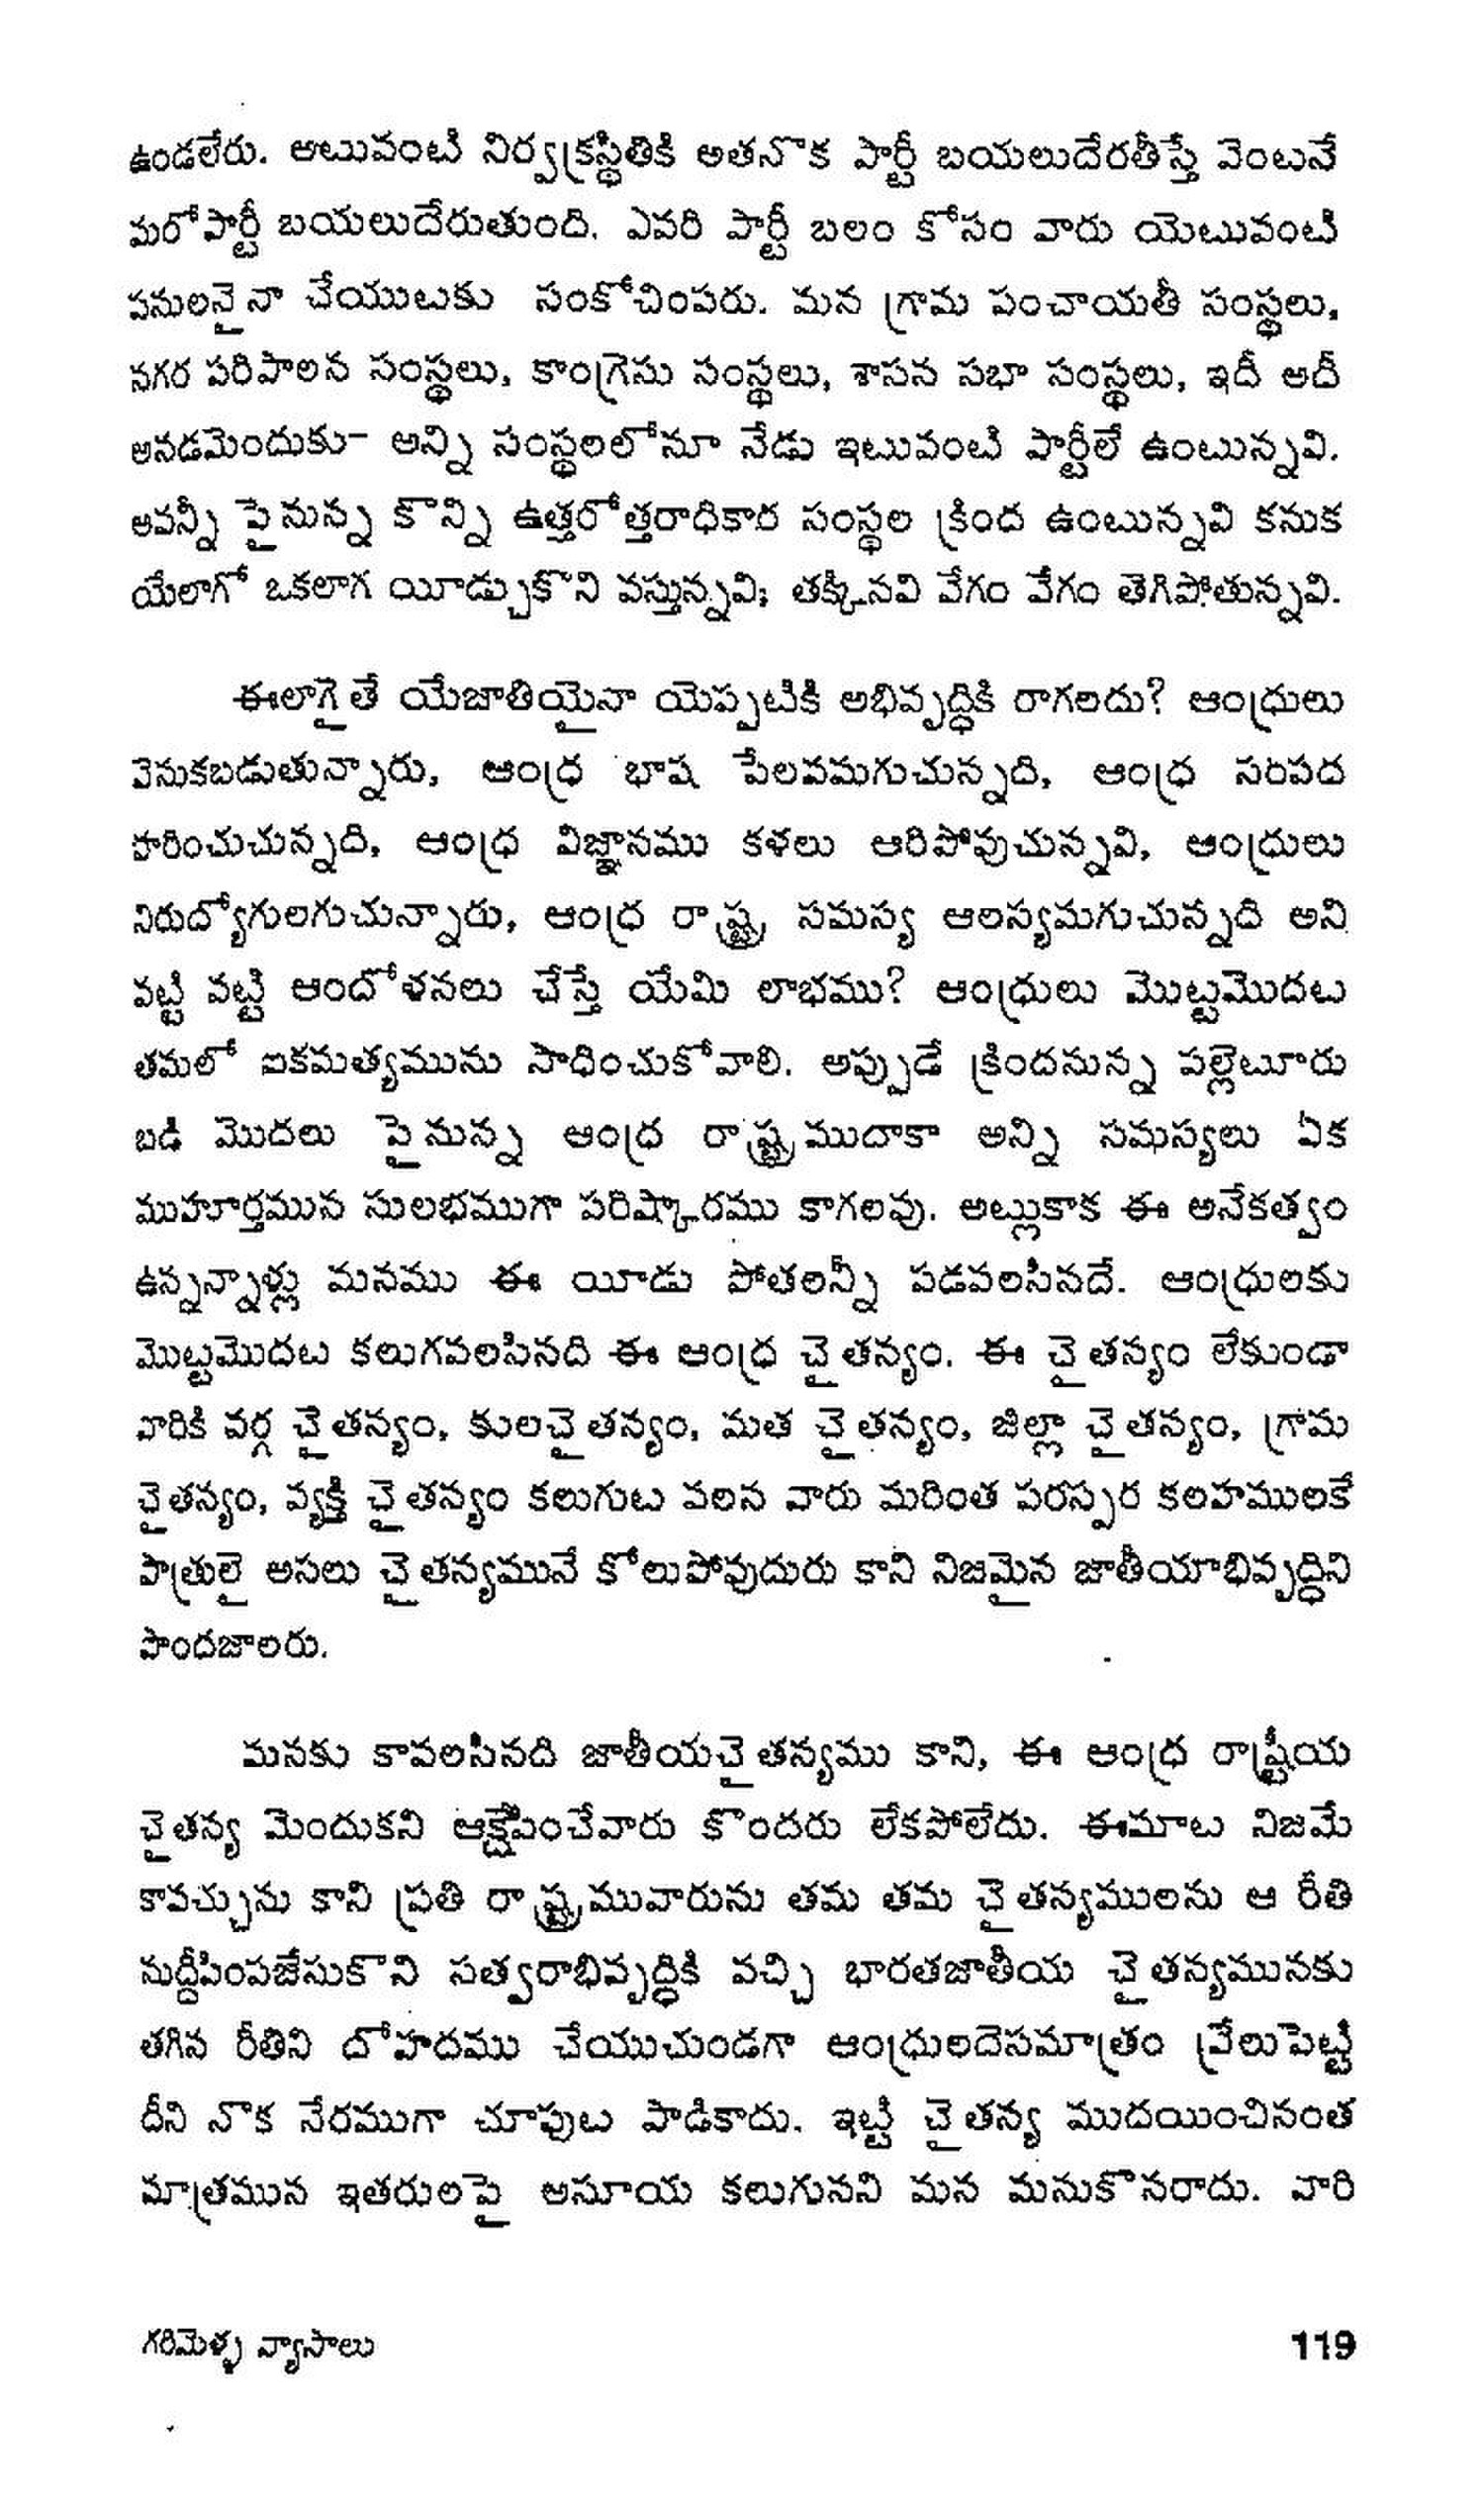ఉండలేరు. అటువంటి నిర్వక్రస్థితికి అతనొక పార్టీ బయలుదేరతీస్తే వెంటనే మరోపార్టీ బయలుదేరుతుంది. ఎవరి పార్టీ బలం కోసం వారు యెటువంటి పనులనైనా చేయుటకు సంకోచించరు. మన గ్రామ పంచాయతీ సంస్థలు, నగర పరిపాలన సంస్థలు, కాంగ్రెసు సంస్థలు, శాసన సభా సంస్థలు, ఇదీ అదీ అనడమెందుకూ - అన్ని సంస్థలలోనూ నేడు ఇటువంటి పార్టీలే ఉంటున్నవి. అవన్నీ పైనున్న కొన్ని ఉత్తరోత్తరాధికార సంస్థల క్రింది ఉంటున్నవి కనుక యేలాగో ఒకలాగ యీడ్చుకొని వస్తున్నవి., తక్కినవి వేగం వేగం తెగిపోతున్నవి.

ఈలాగైతే యేజాతియైనా యెప్పటికి అభివృద్ధికి రాగలదు? ఆంధ్రులు వెనుకబడుతున్నారు. ఆంధ్ర భాష పేలవమగుచున్నది. ఆంధ్ర సంపద హరించుచున్నది. ఆంధ్ర విజ్ఞానము కళలు ఆరిపోవుచున్నవి. ఆంధ్రులు నిరుద్యోగులగుచున్నారు. ఆంధ్ర రాష్త్ర సమస్య ఆలస్యమగుచున్నది అని వట్టి వట్తి ఆందోళనలు చేస్తే యేమి లాభము? ఆంధ్రులు మొట్టమొదట తమలో ఐకమత్యమును సాధించుకోవాలి. అప్పుడే క్రిందనున్న పల్లెటూరు బడి మొదలు పై నున్న ఆంధ్ర రాష్ట్రముదాకా అన్ని సమస్యలు ఏకముహుర్తమున సులభముగా పరిష్కారము కాగలవు. అట్లుకాక ఈ అనేకత్వం ఉన్నన్నాళ్లు మనము ఈ యీడు పొతలన్నీ పడవలసినదే. ఆంధ్రులకు మొట్టమొదట కలుగవలసినది ఈ ఆంధ్ర చైతన్యం. ఈ చైతన్యం లెకుండా వారికి వర్గ చైతన్యం, కులచైతన్యం, మతచైతన్యం, జిల్లా చైతన్యం, గ్రామ చైతన్యం, వ్యక్తి చైతన్యం కలుగుట వలన వారు మరింత పరస్పర కలహములకే పాత్రులై అసలు చైతన్యమునే కోలుపోవుదురు కాని నిజమైన జాతీయాభివృద్ధిని పొందజాలరు.

మనకు కావలసినది జాతీయచైతన్యము కాని, ఈ ఆంధ్ర రాష్ట్రీయ చైతన్య మెందుకని ఆక్షేపించేవారు కొందరు లేకపోలేదు. ఈమాట నిజమే కావచ్చును కాని ప్రతి రాష్ట్రమువారును తమ తమ చైతన్యములను ఆ రీతి నుద్దీపింపజేసుకొని సత్వరాభివృద్దికి వచ్చి భారతజాతీయ చైతన్యమునకు తగిన రీతిని దోహదము చేయుచుండగా ఆంధ్రులదెసమాత్రం వ్రేలుపెట్టి దీని నొక నేరముగా చూపుట పాడికాదు. ఇట్టి చైతన్య ముదయించినంత మాత్రమున ఇతరులపై అసూయ కలుగునని మన మనుకొనరాదు. వారి